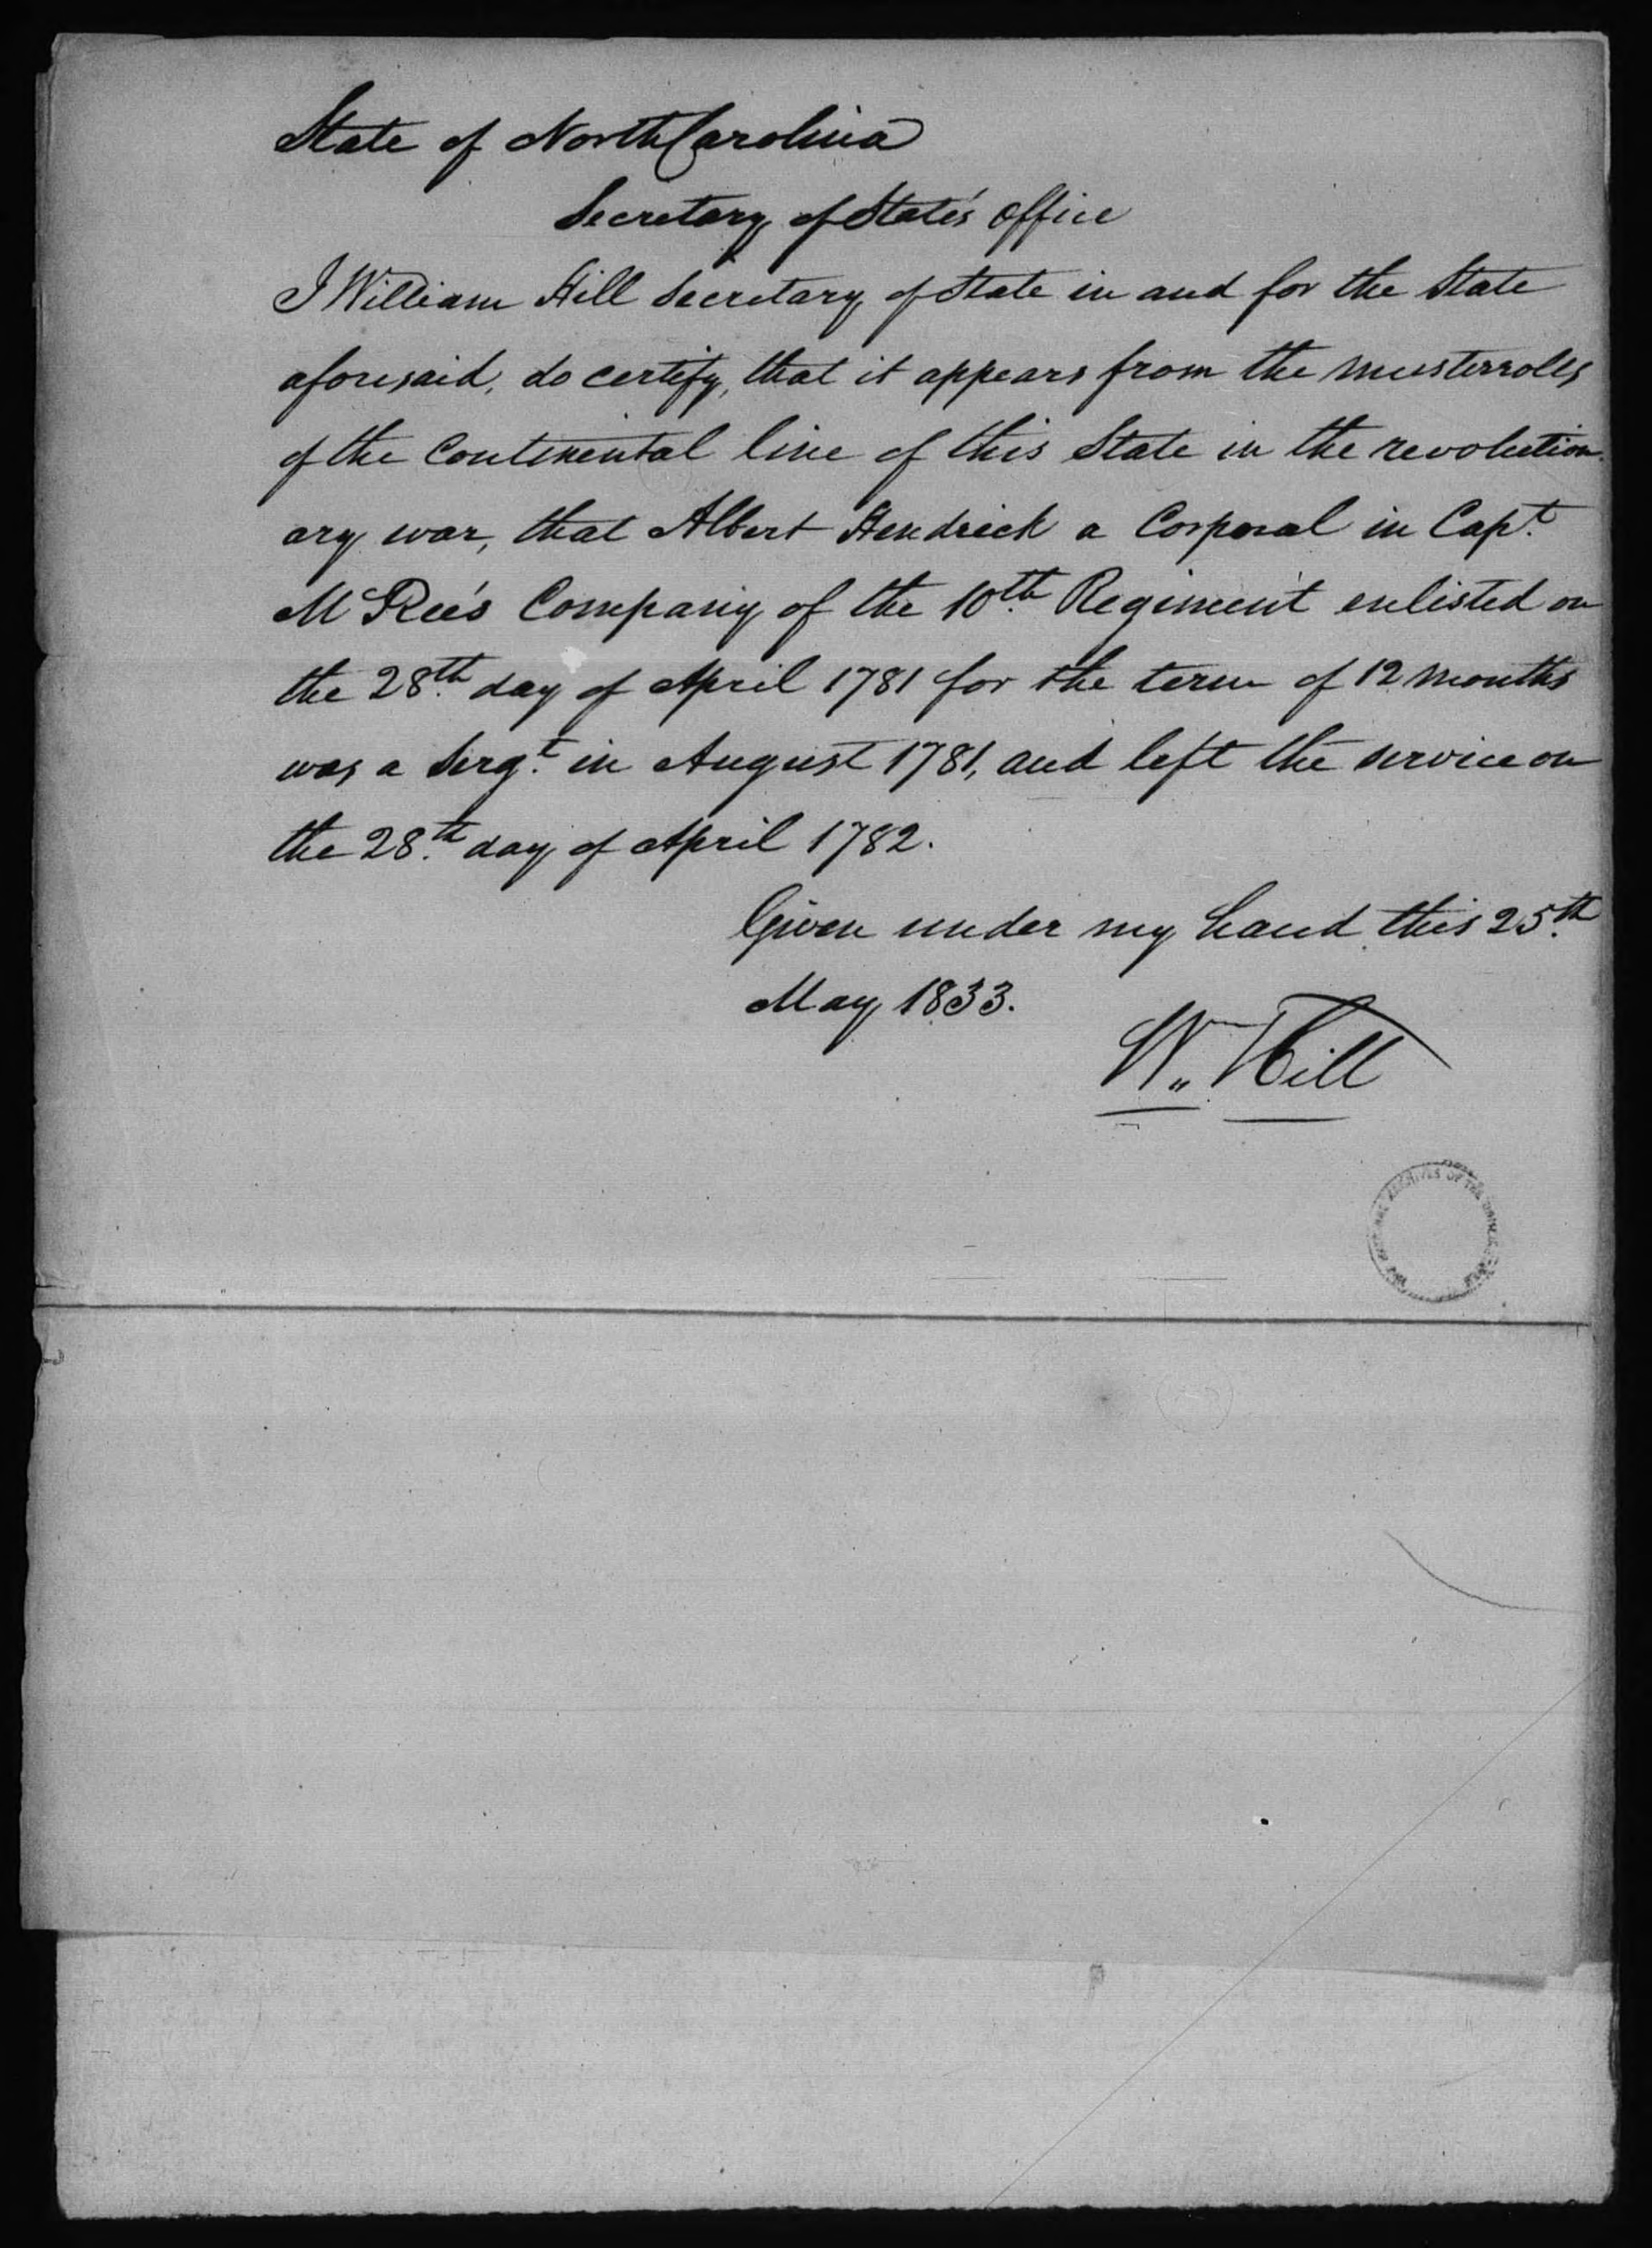State of North Carolina
Secretary of State's Office 

I William Hill secretary of state in and for the state aforesaid, do certify that it appears from the muster rolls of the Continental line of this state in the revolutionary war, that Albert Hendrick a Corporal in Capt McRee's company of the 10th Regiment enlisted on the 28th day of April 1781 for the term of 12 months was a sergt in August 1781 and left the service on the 28th day of April 1782. 

Given under my hand this 25th May 1833 
Wm Hill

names: Wm Hill, William Hill, Albert Hendrick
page: 64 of 76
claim: widow's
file: W. 83, Albert Hendricks, Continental Md. N.C.